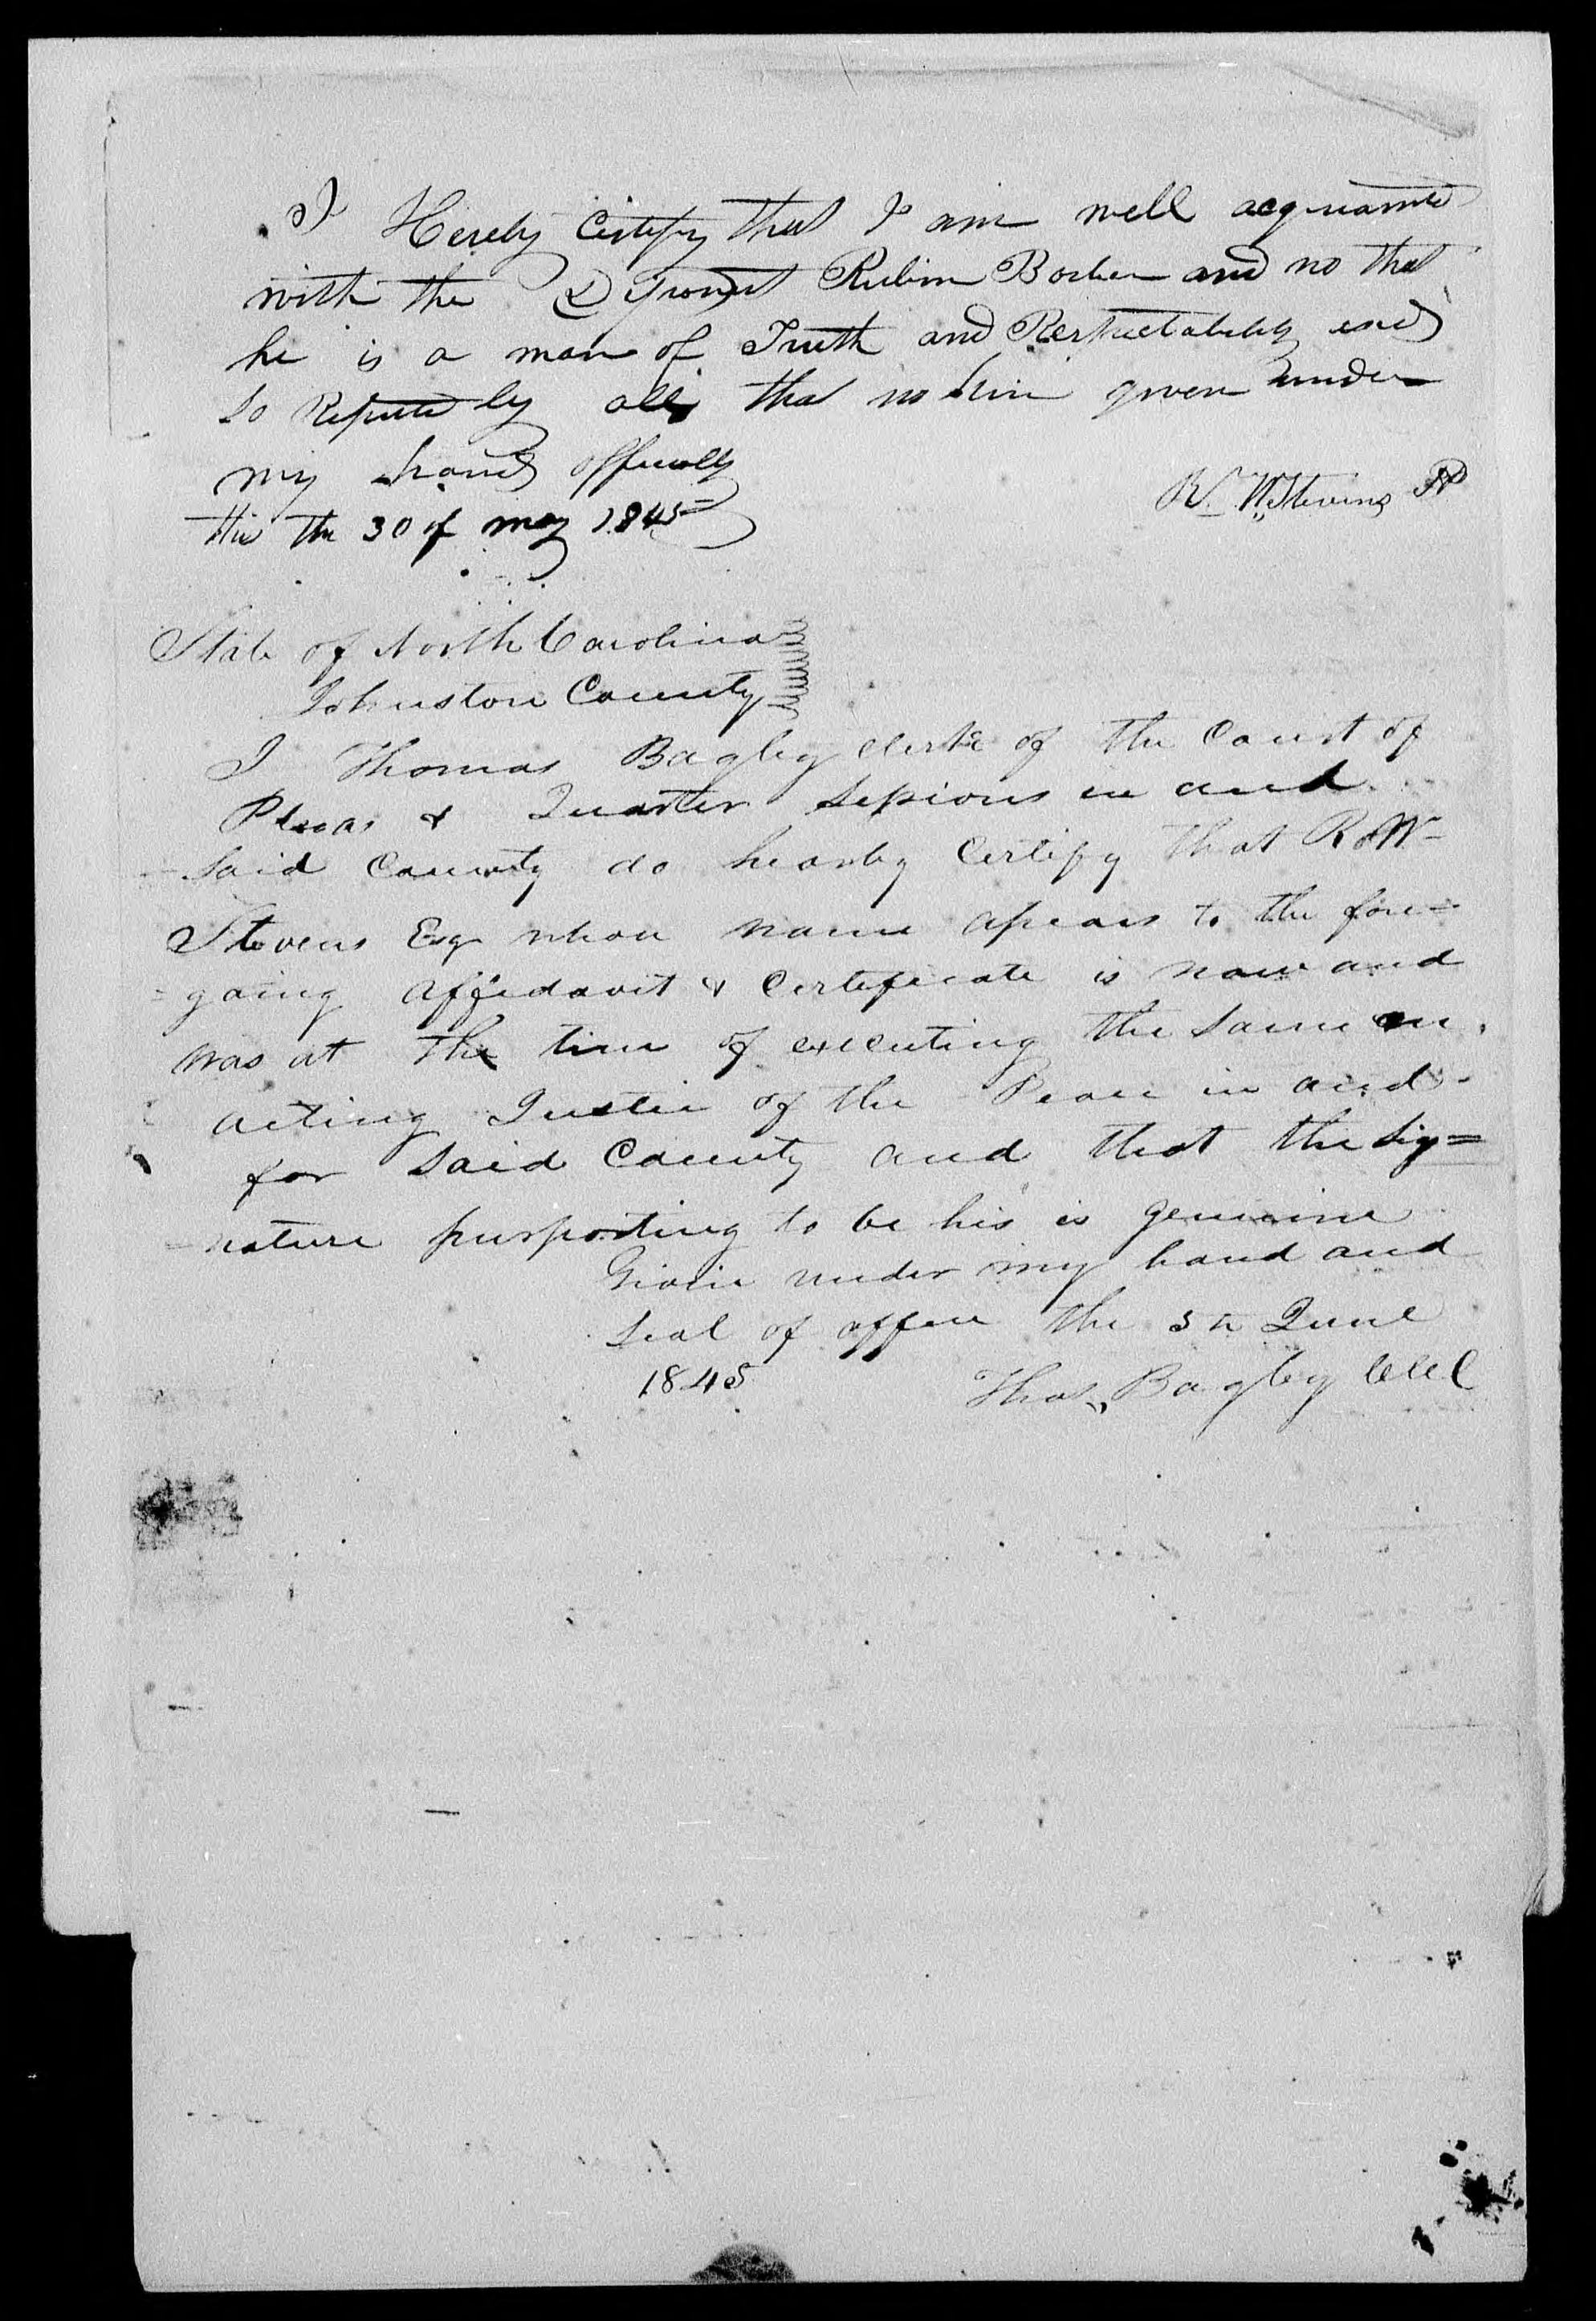I hereby certify that I am well acquainted with the deponent Rubin Barber and no (sic) that he is a man of truth and respectability and so reputed by all that no (sic) him given under my hand officially this Thu 30 of May 1845
BJ Wettering JP
State of North Carolina
Johnston County }
I Thomas Bagby clerk of the court of pleas & quarter sessions in and said county do hearby (sic) certify that R. W. Stevens Esq whose name apears (sic) to the foregoing affidavit & certificate is now and was at the time of executing the same an acting justice of the peace in and for said county and that the signature purporting to be his is genuine
Given under my hand and seal of office the 5th June 1845
Thos. Bagby Clerk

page: 59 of 74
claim: rejected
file: R. 5600, for Abel Johnson, North Carolina